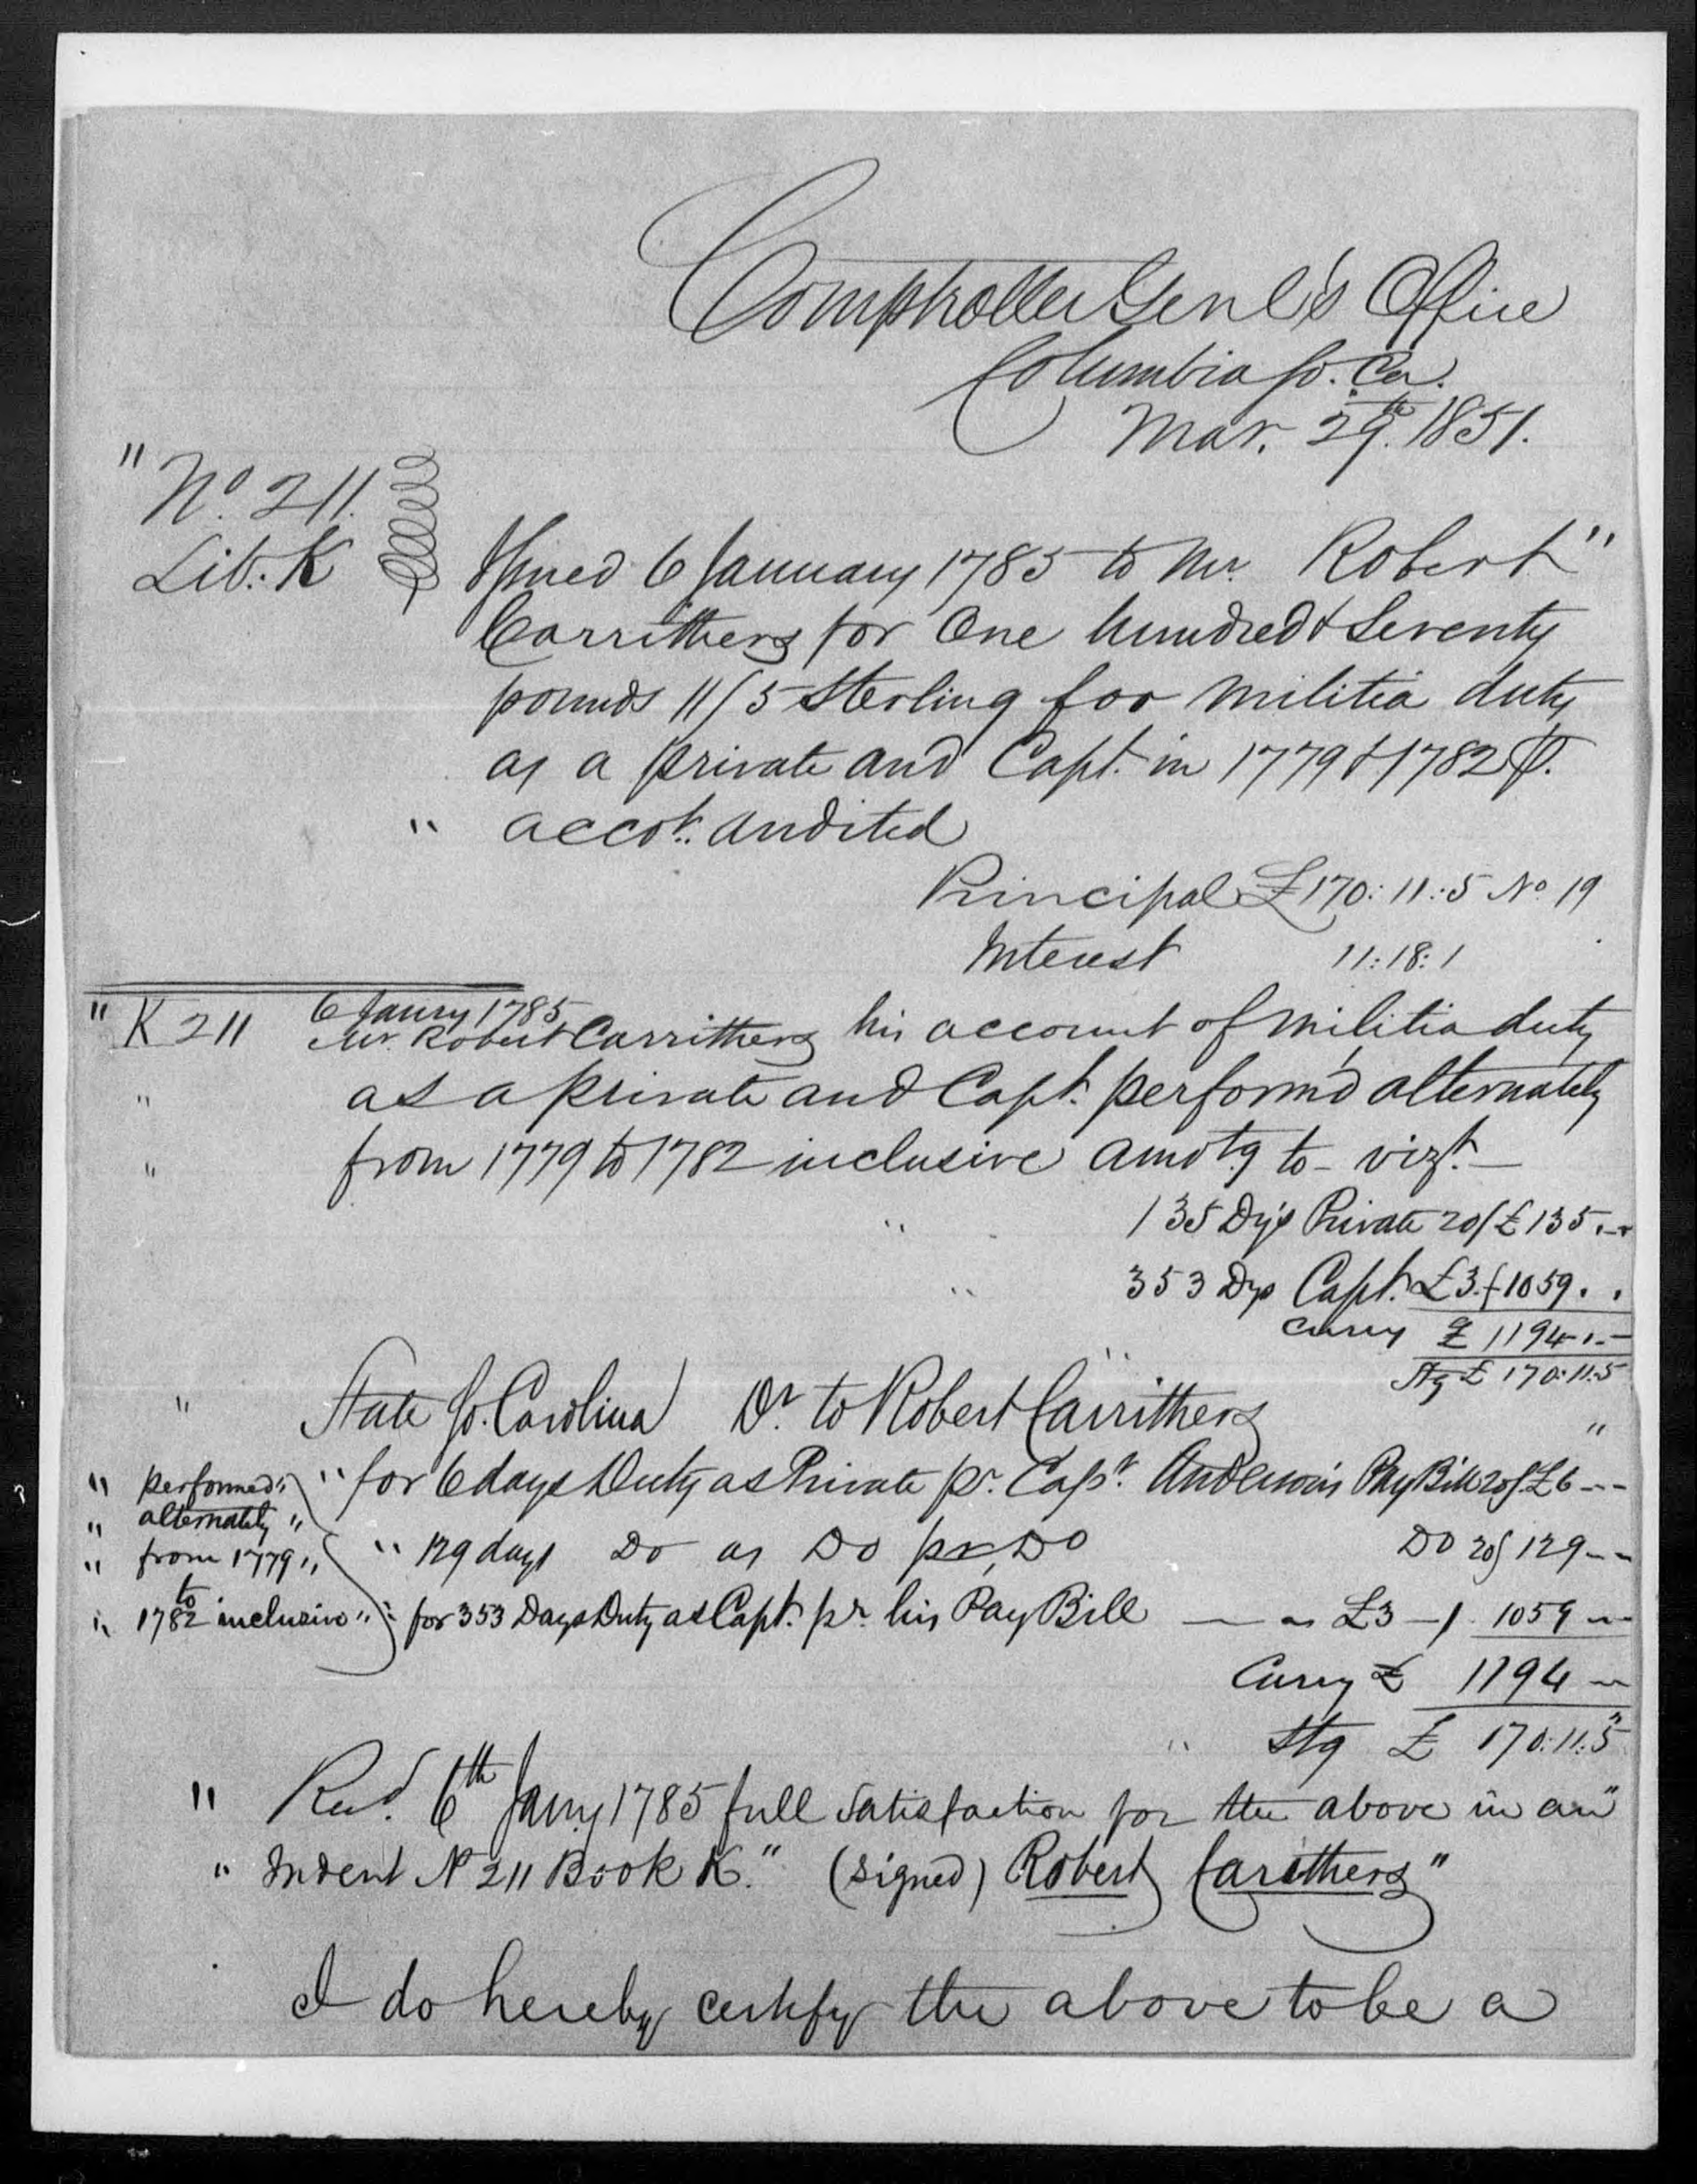Comptroller Genl's Office Columbia So. Ca. Mar, 29th 1851.   [No. 211 Lib.: K ] Issued 6 January 1785 to Mr. Robert Carrithers for one hundred & seventy pounds 11/5 Sterling for militia duty as a private and Capt. in 1779 & 1782  accot. audited Principal Lbs 170: 11:5 No 19 Interest  11 :18: 1  " K 211  " 6 Janry 1785  Mr. Robert Carrithers his account of militia duty as a private and Capt. preformed alternately form 1779 to 1782 inclusive amotg to viz - 135 Dys Private 20/Lbs 135 353 Dys Capt. Lbs 3f 1059 / Curry  Lbs 1194 - 1.- / Stg Lbs 170 : 11 . 5 State of So. Carolina Dr. to Robert Carrithers  " performed " for 6 days Duty as Private pr. Capt. Anderson's Pay Bill  of Lbs 6- " alternately " 129 Do as Do pr Do   Do 20 S 129 - "from 1779  to 1782 inclusive"  for 353 Days Duty as Capt. pr his Pay Bill  in Lbs 3 -1-1059 / Curry Lbs 1196 / Stg Lbs 170: 11 : 5 " Rec'd 6th Jany 1785 full satisfaction for the above in an Indent No. 211 Book K."  (signed  ) Robert Carithers"  I do hereby certify the above to be a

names: Robert Carrithers, Robert Carrithers, Robert Carrithers, Robert Carithers, Anderson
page: 26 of 33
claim: widow's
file: W. 23779, Robert Carithers, S.C.